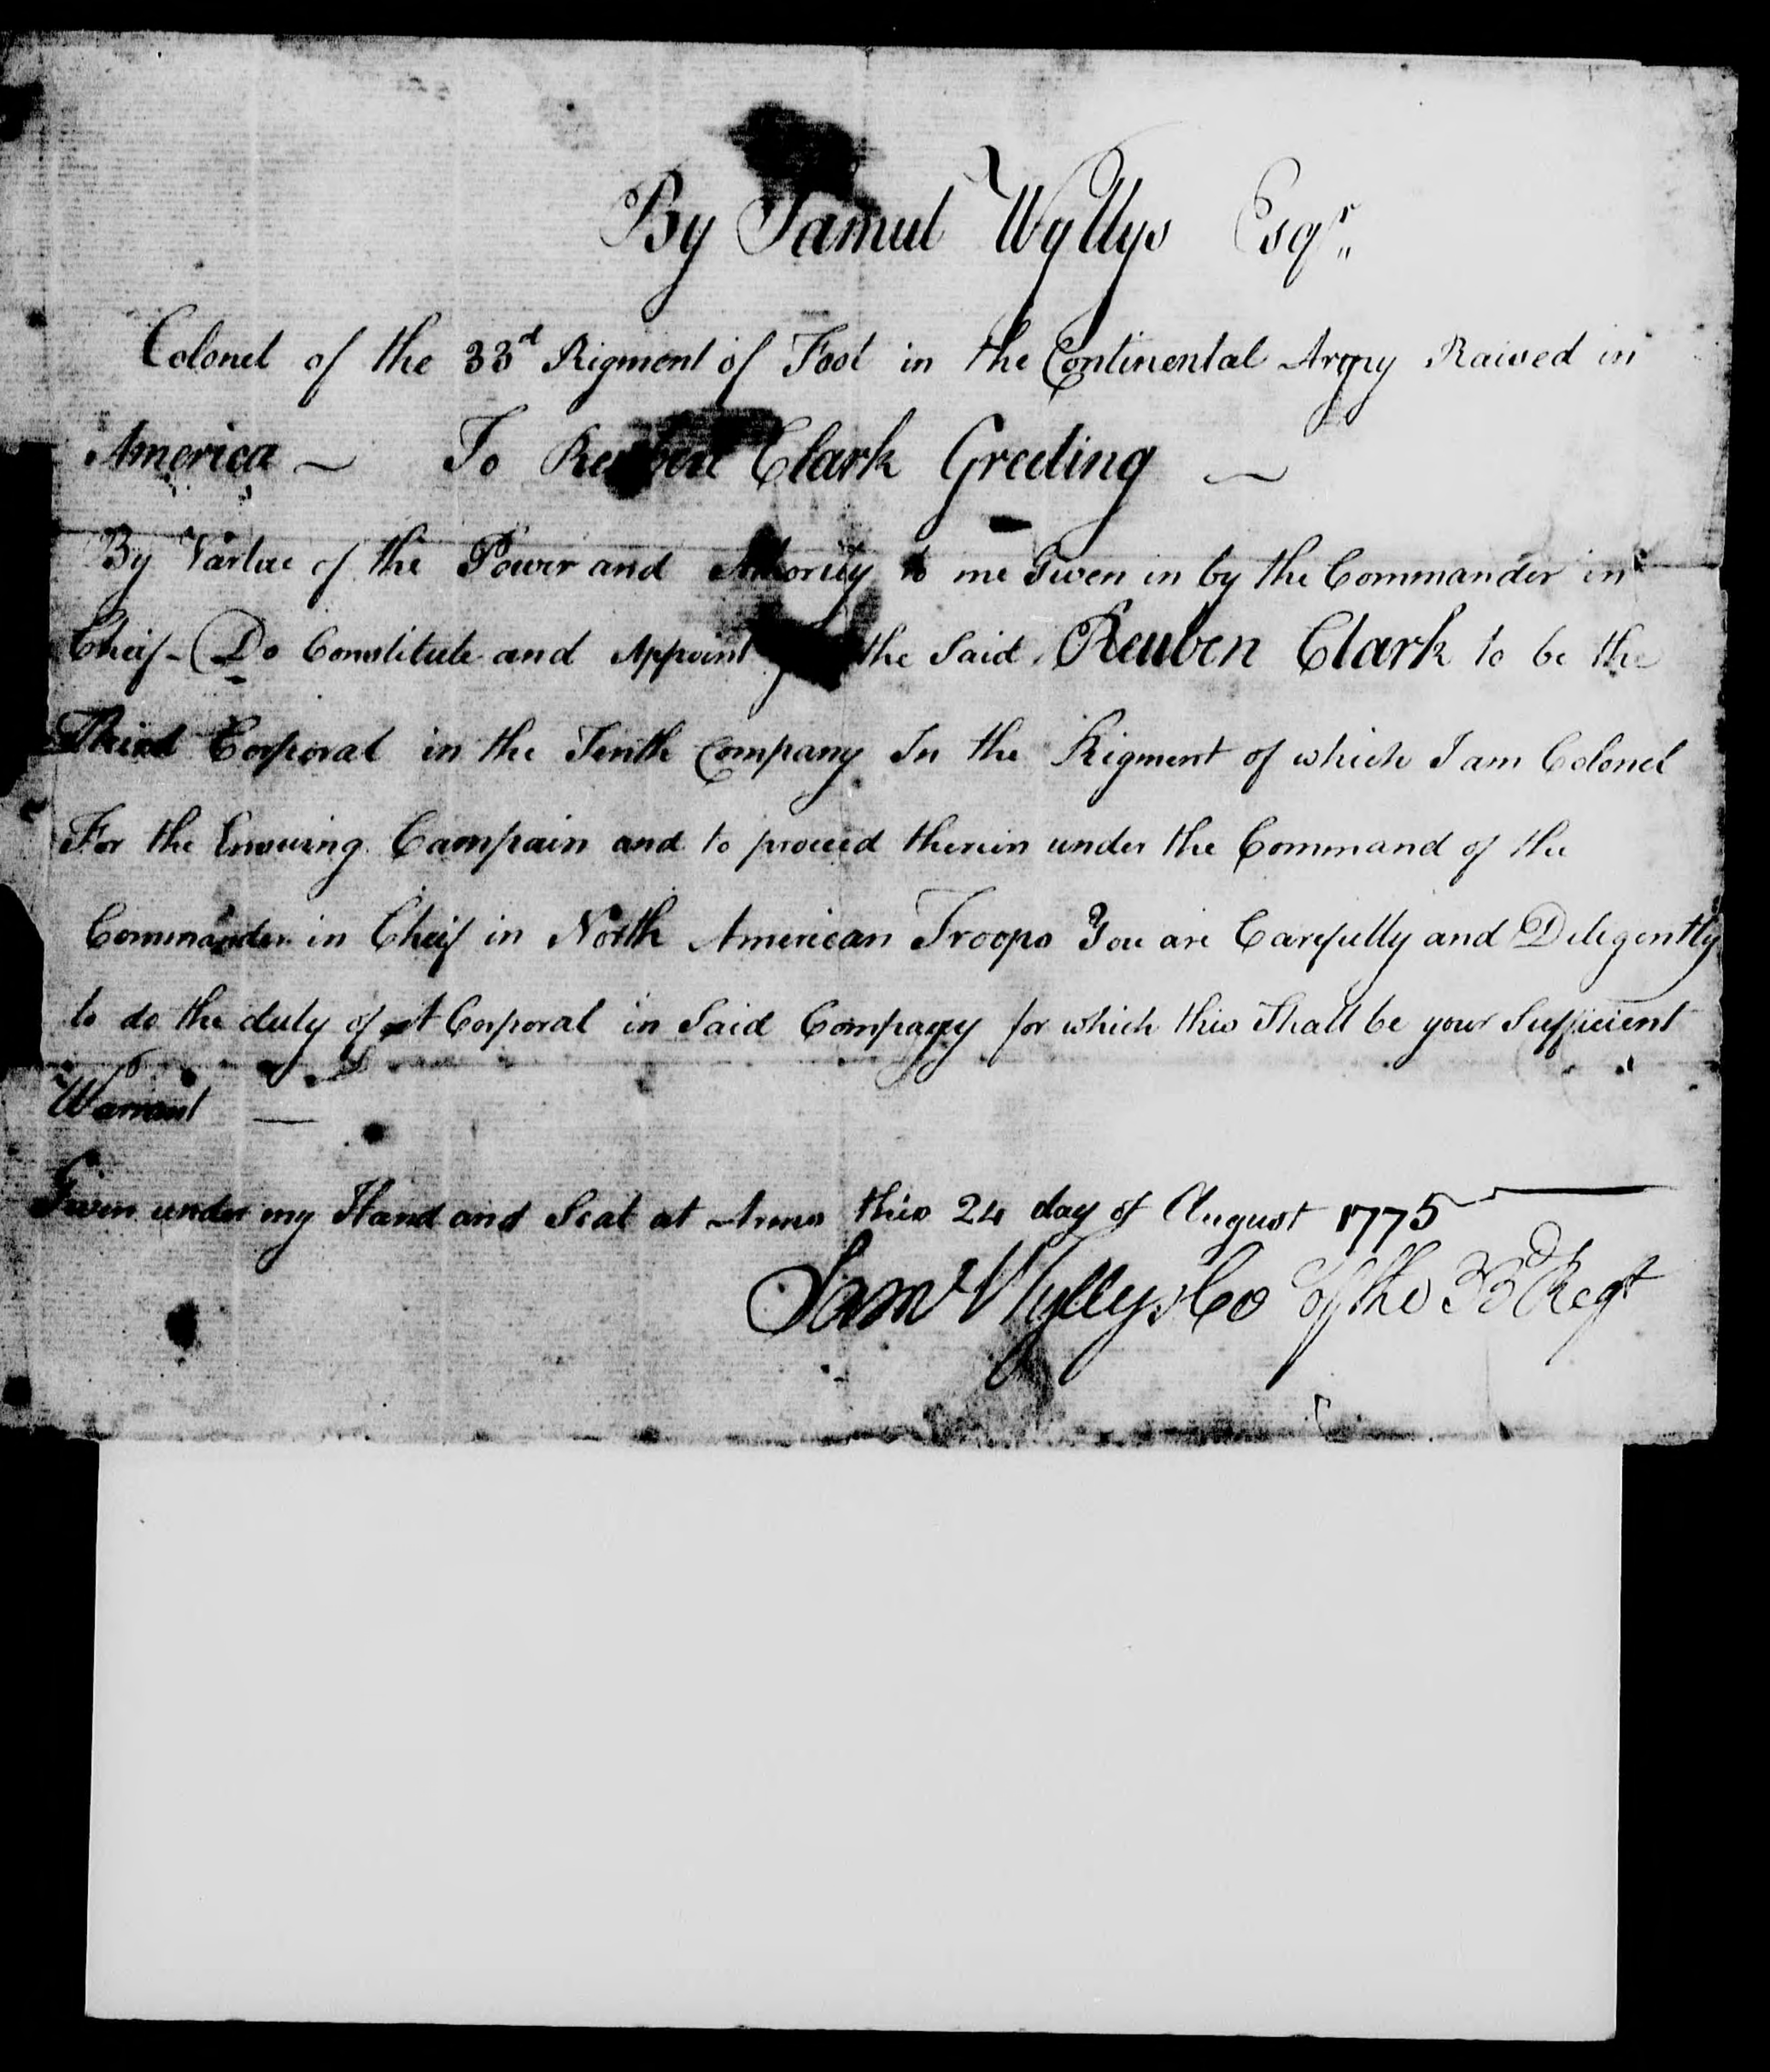[handwritten]
By Samul Wyllys Esq.
Colonel of the 33d Rigment of Foot in the Continental Army Raised in
America ~ To Reuben Clark Greeting ~
By Virtue of the Power and Authority to me Given by the Commander in Chief – Do Constitute and Appoint [illegible] the Said Reuben Clark to be the Third Corporal in the Tenth Company In the Rigment of which I am Colonel For the Ensuing Campain and to proceed therein under the Command of the Commander in Chief in North American Troops  You are Carefully and Diligently to do the duty of A Corporal in Said Company for which this Shall be your Sufficient Warrant –
Given under my Hand and Seal at Arms this 24 day of August 1775
[signed] Saml Wyllys Co of the 33d Regt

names: Reuben Clark, Samul Wyllys, Reuben Clark, Saml Wyllys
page: 26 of 26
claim: widow's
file: W. 14483, Reuben Clark, Conn.